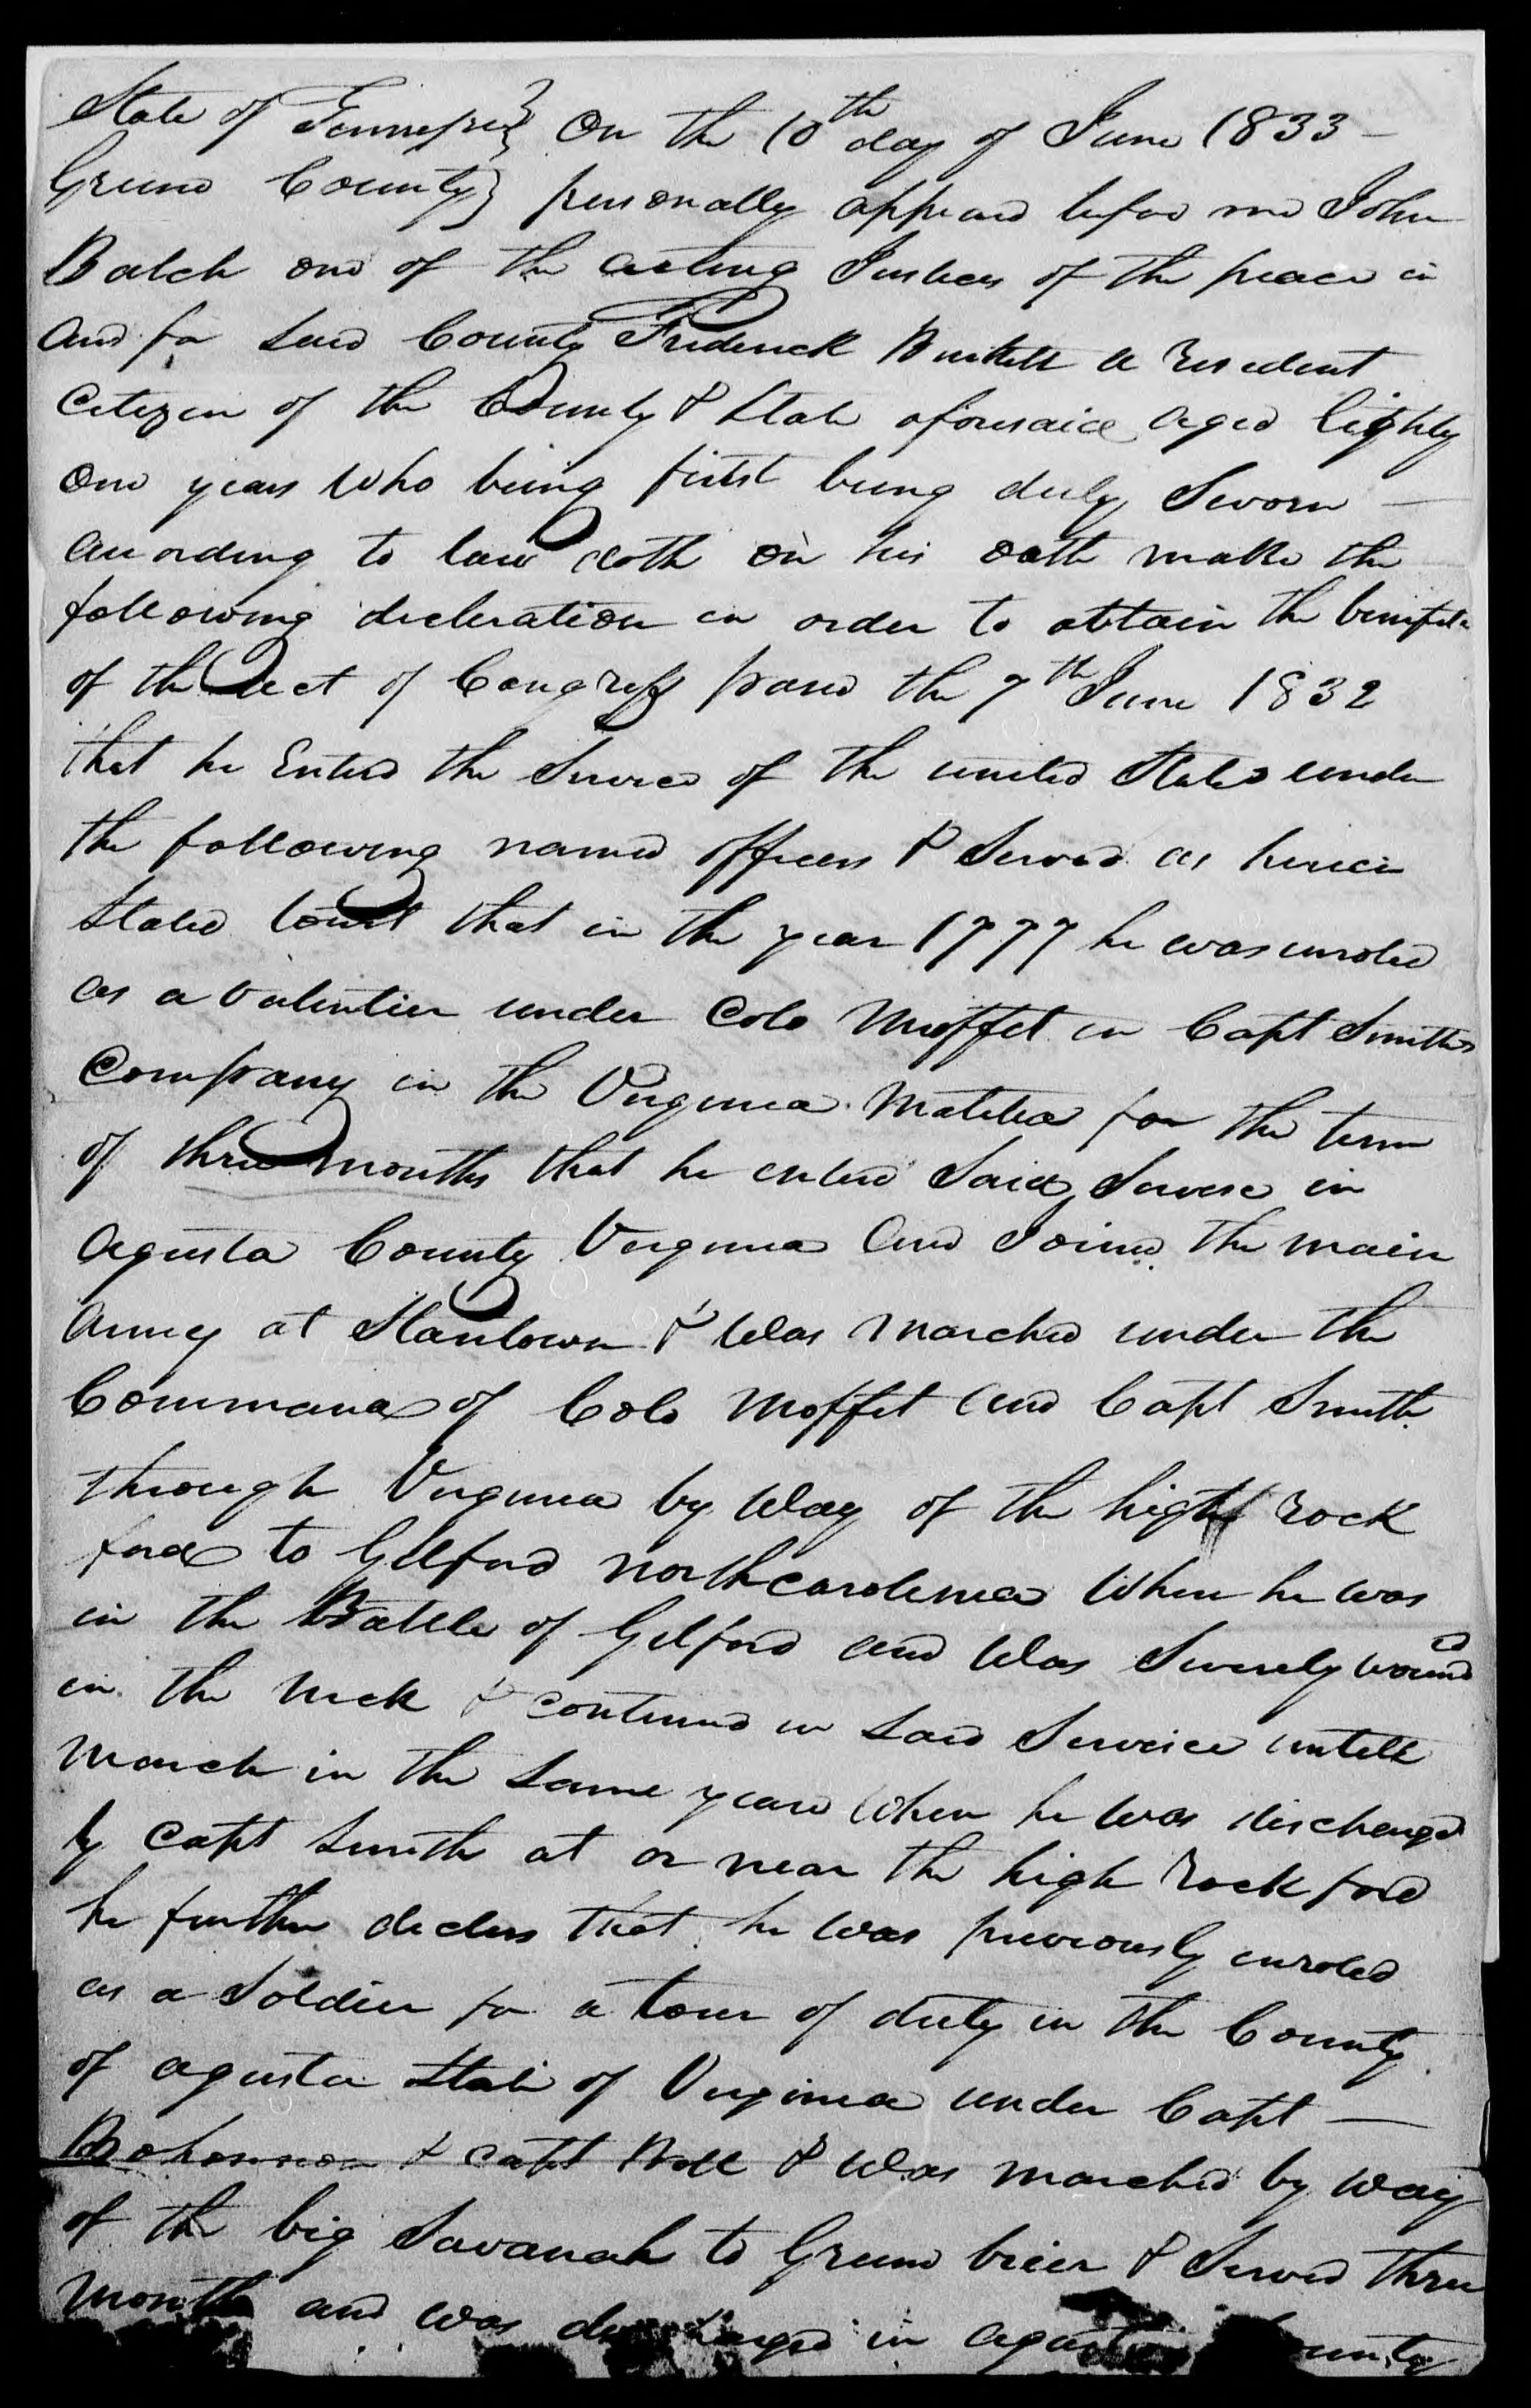State of Tennessee}
Greene County}
On the 10th day of June 1833 personally appeared before me John Balch one of the acting Justices of the peace in and for said County Frederick Burkett a resident citizen of the County & State aforesaid aged eighty one years who being first being duly Sworn according to law doth on his oath make the following declaration in order to obtain the benfite (sic) of the Act of Congress passed the 7th June 1832 that he entered the serve of the United States under the following named officers & Served as herein stated Court that in the year 1777 he was enrolled as a volentier (sic) under Colo Moffet in Capt Smiths Company in the Virginia Militia for the term of three months that he entered said service in Augusta County Virginia and joined the main army at Stantown & was marched un the Command of Colo Moffet and Capt Smith through Virginia by Way of the high rock ford to Gilford North Carolina when he was in the Battle of Gilford and was severely wounded in the neck & continued in said Service until march in the same year when he was discharged by Capt Smith at or near the high rock ford he further declares that he was previously enrolled as a Soldier for a tour of duty in the County of Augusta state of Virginia under Capt Bohannon & Capt Woll & was marched by way of the big Savanah to Green brier & Served three month and was discharged in [illegible] County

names: Woll, Smith, Moffet, Moffet, Bohannon, Frederick Burkett, John Balch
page: 7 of 47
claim: survivor's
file: S. 3102, Frederick Burket, Va.